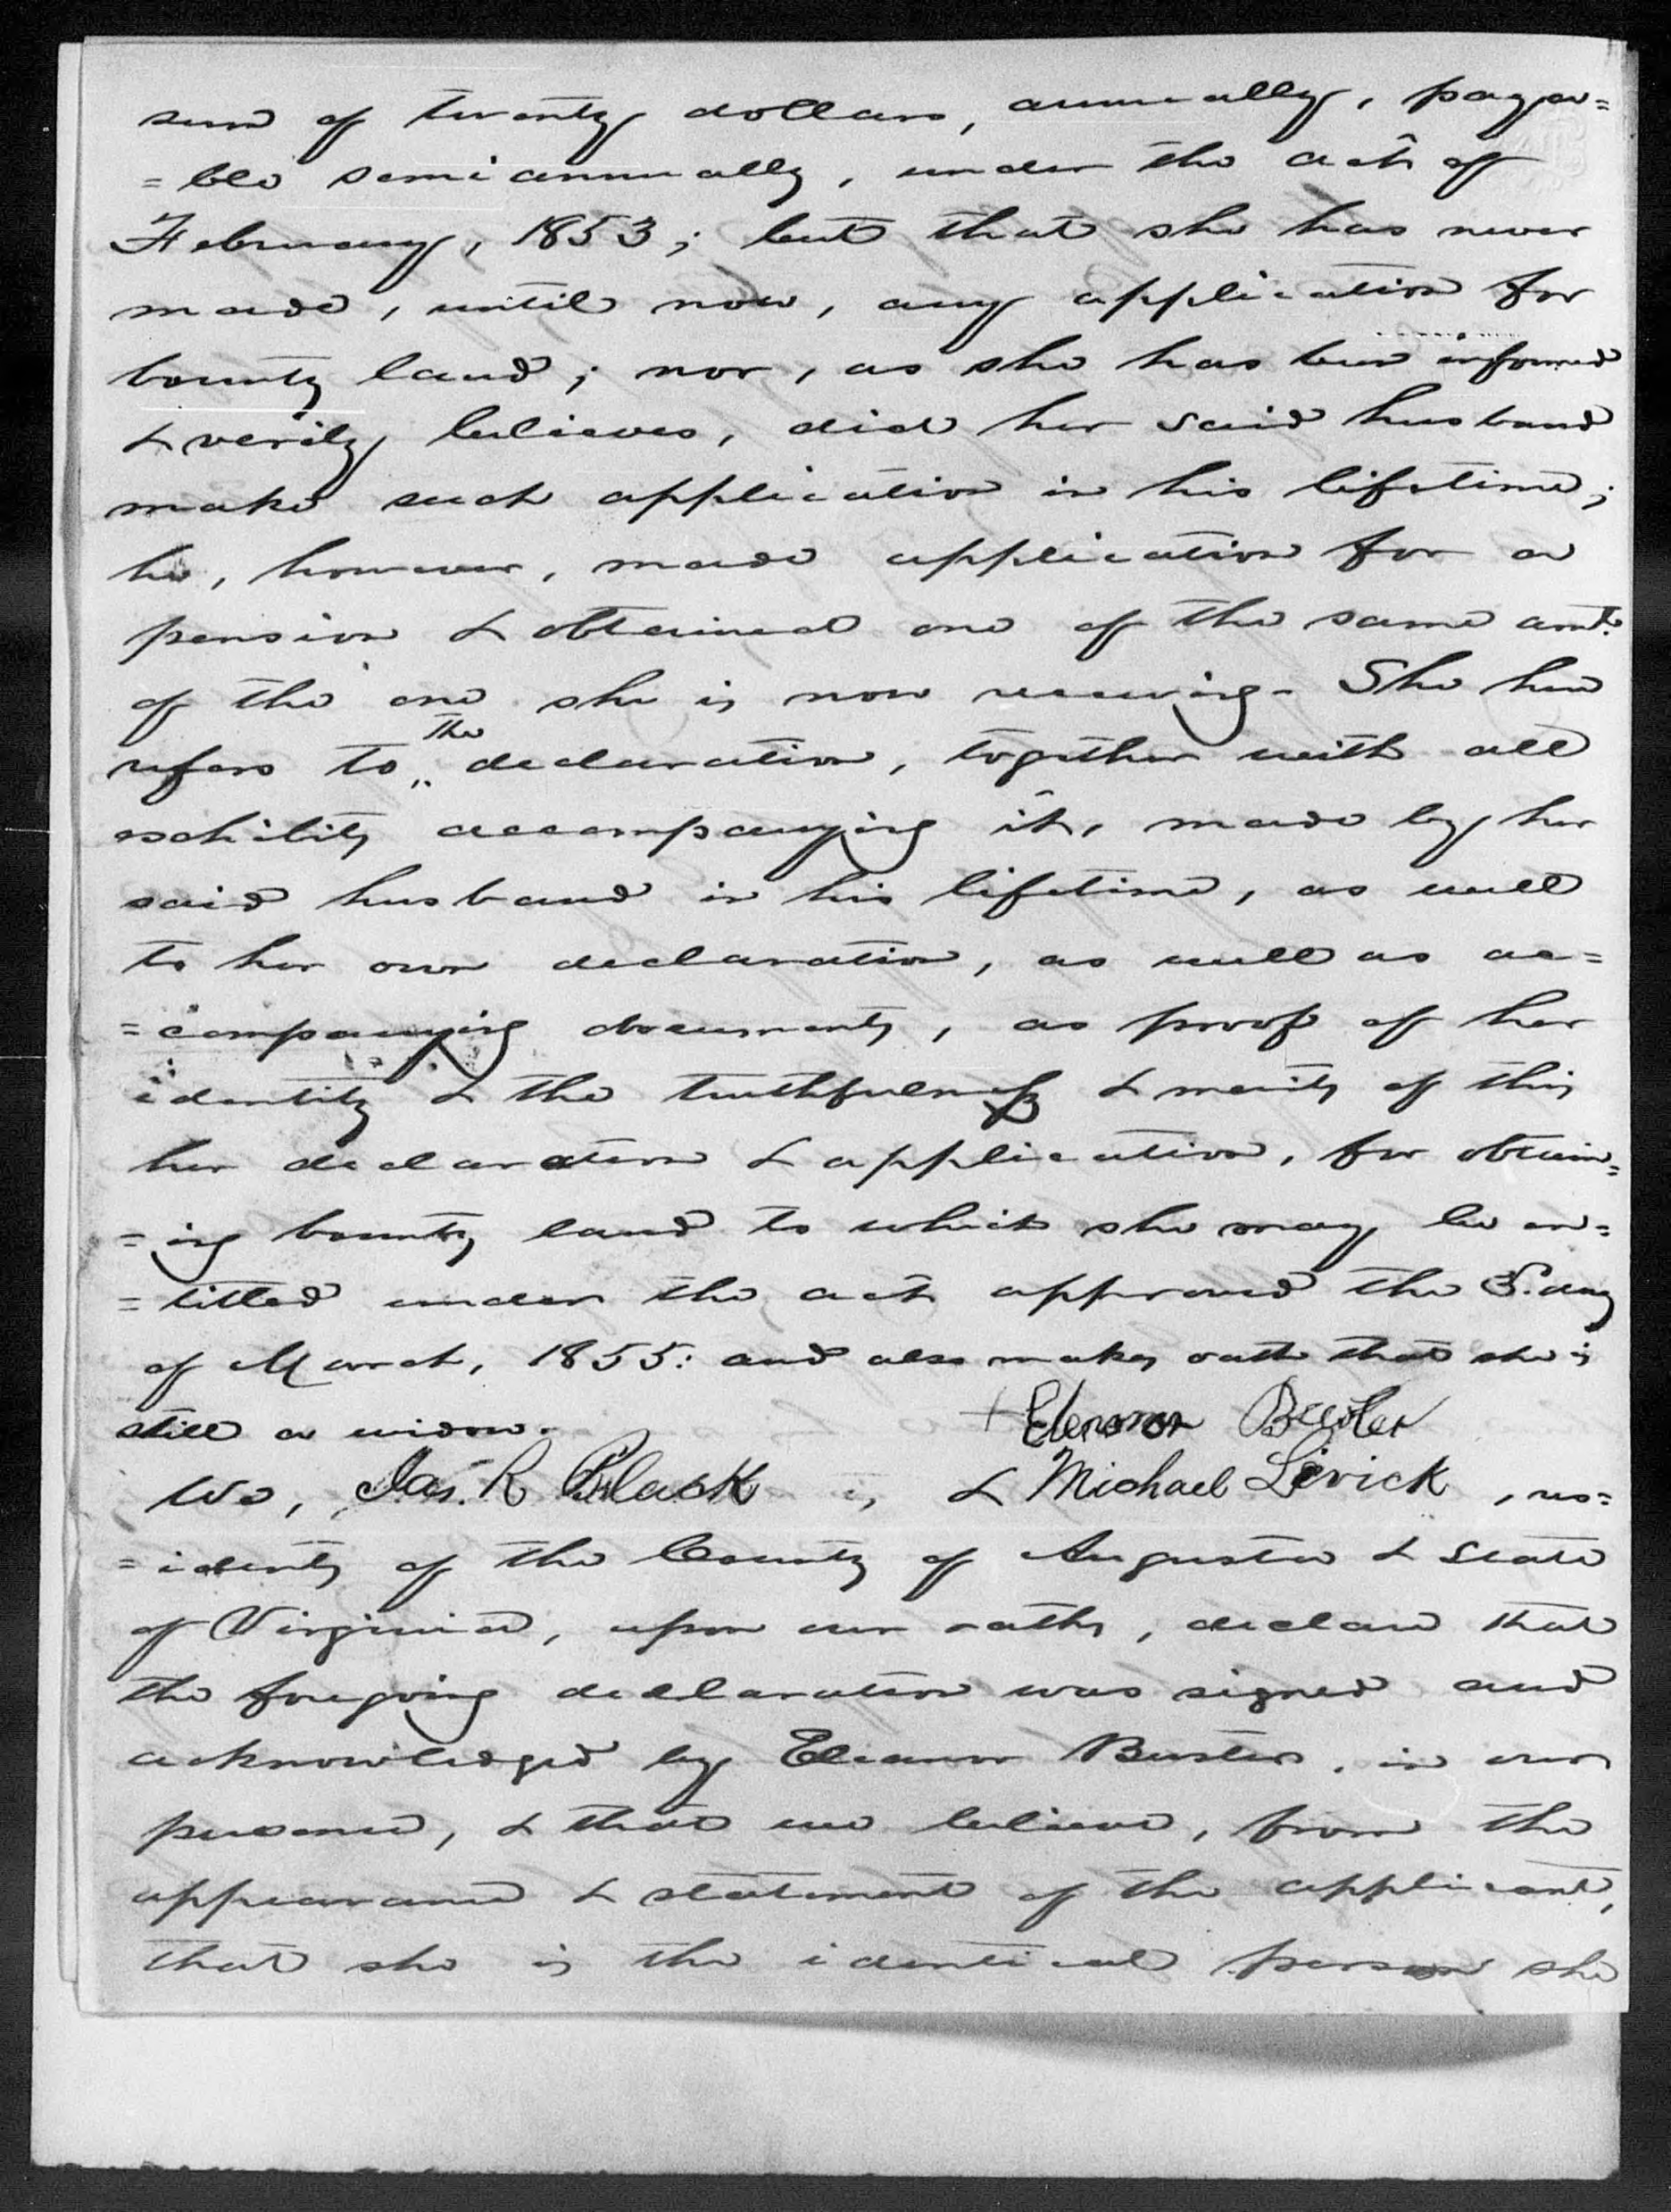sum of twenty dollars, annually, payable semi annually, under the act of February, 1853; but that she has never made, until now, any application for bounty land; nor, as she has been informed & verily believes, did her said husband make such application in his lifetime; he, however, made application for a pension & obtained one of the same amt. of the one she is now receiving_ She [illegible] refers to ^the declaration, together with all exhibits accompanying it, made by her said husband in his lifetime, as well to her own declaration, as well as accompanying documents, as proof of her identity & the truthfulness & merits of this her declaration & application, for obtaining bounty land to which she may be entitled under the act approved the 3d day of March, 1855: and also makes oath that she is still a widow.
Eleanor Buster

We, Jas. R Black & Michael Livick, residents of the Coounty of Augusta & state of Virginia, upon our oaths, declare that the foregoing declaration was signed and acknowledged by Eleanor Buster, in our presence, & that we believe, from the appearance & statement of the applicant, that she is the identical person she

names: Jas R Black, Eleanor Buster, Elenorer Buster, Michael Livick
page: 13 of 71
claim: widow's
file: W. 25310, Claudius Buster, Va.